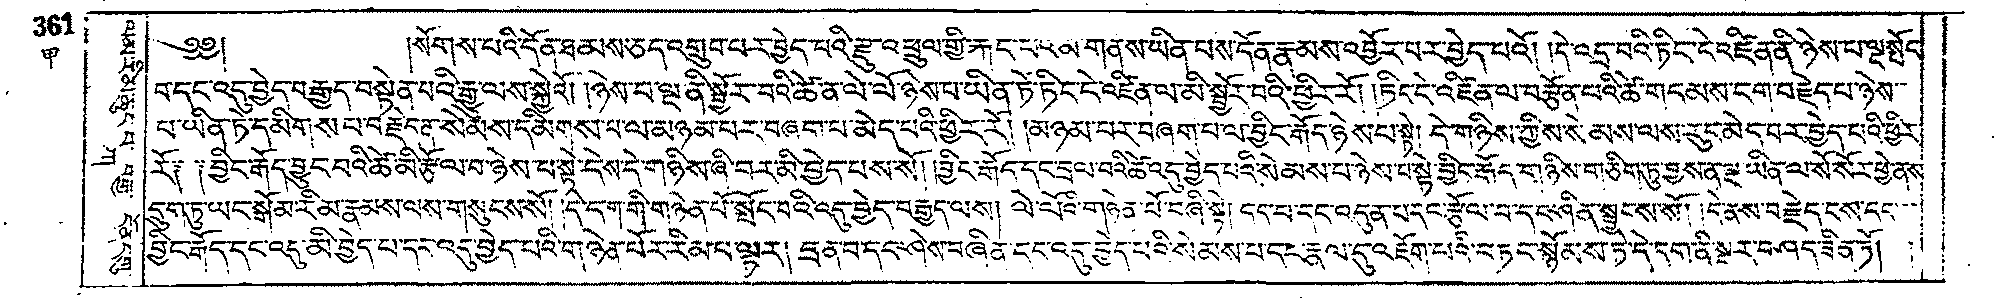༄༅། །སོགས་པའི་དོན་ཐམས་ཅད་འགྲུབ་པར་བྱེད་པའི་རྫུ་འཕྲུལ་གྱི་རྐང་པའམ་གནས་ཡིན་པས་དོན་རྣམས་འབྱོར་པར་བྱེད་པའོ། །དེ་འདྲ་བའི་ཏིང་ངེ་འཛིན་ནི་ཉེས་པ་ལྔ་སྤོང་
བ་དང་འདུ་བྱེད་བརྒྱད་བསྟེན་པའི་རྒྱུ་ལས་སྐྱེའོ། །ཉེས་པ་ལྔ་ནི་སྦྱོར་བའི་ཚེ་ན་ལེ་ལོ་ཉེས་པ་ཡིན་ཏེ་ཏིང་ངེ་འཛིན་ལ་མི་སྦྱོར་བའི་ཕྱིར་རོ། །ཏིང་ངེ་འཛིན་ལ་བརྩོན་པའི་ཚེ་གདམས་ངག་བརྗེད་པ་ཉེས་
པ་ཡིན་ཏེ་དམིགས་པ་བརྗེད་ན་སེམས་དམིགས་པ་ལ་མཉམ་པར་བཞག་པ་མེད་པའི་ཕྱིར་རོ། །མཉམ་པར་བཞག་པ་ལ་བྱིང་རྒོད་ཉེས་པ་སྟེ། དེ་གཉིས་ཀྱིས་སེམས་ལས་རུང་མེད་པར་བྱེད་པའི་ཕྱིར་
རོ༑ ༑བྱིང་རྒོད་བྱུང་བའི་ཚེ་མི་རྩོལ་བ་ཉེས་པ་སྟེ་དེས་དེ་གཉིས་ཞི་བར་མི་བྱེད་པས་སོ། །བྱིང་རྒོད་དང་བྲལ་བའི་ཚེ་འདུ་བྱེད་པའི་སེམས་པ་ཉེས་པ་སྟེ་བྱིང་རྒོད་གཉིས་གཅིག་ཏུ་བྱས་ན་༑ལྔ་ཡིན་ལ་སོ་སོར་ཕྱེ་ནས་
དྲུག་ཏུ་ཡང་སྒོམ་རིམ་རྣམས་ལས་གསུངས་སོ། །དེ་དག་གི་གཉེན་པོ་སྤོང་བའི་འདུ་བྱེད་བརྒྱད་ལས། ལེ་ལོའི་གཉེན་པོ་བཞི་སྟེ། དད་པ་དང་འདུན་པ་དང་རྩོལ་བ་དང་ཤིན་སྦྱངས་སོ། །དེ་ནས་བརྗེད་ངས་དང་
བྱིང་རྒོད་དང་འདུ་མི་བྱེད་པ་དང་འདུ་བྱེད་པའི་གཉེན་པོར་རིམ་པ་ལྟར། དྲན་པ་དང་ཤེས་བཞིན་དང་འདུ་བྱེད་པའི་སེམས་པ་དང་རྣལ་དུ་འཇོག་པའི་བཏང་སྙོམས་ཏེ་དེ་དག་ནི་སྔར་བཤད་ཟིན་ཏོ། །